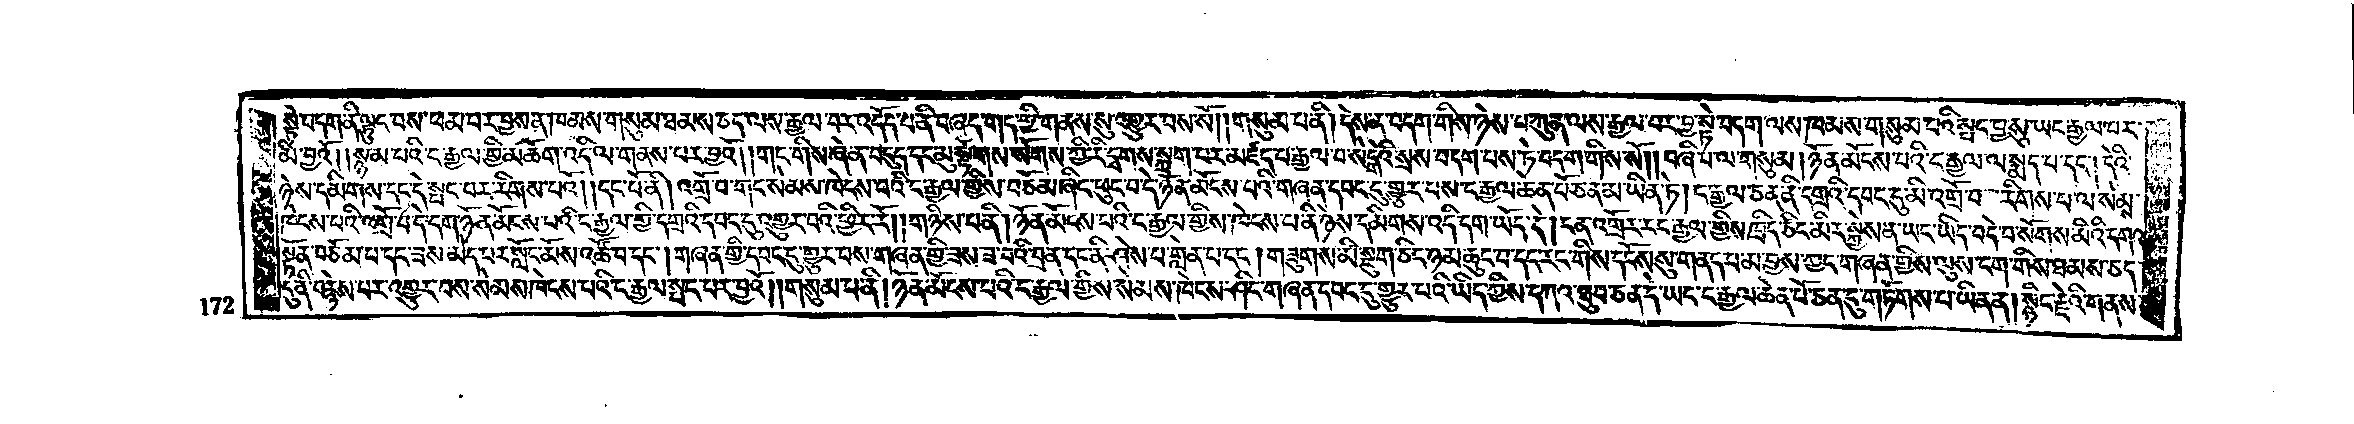སྟེ་བདག་ནི་ལྟུང་བས་ཕམ་པར་བྱས་ན་ཁམས་གསུམ་ཐམས་ཅད་ལས་རྒྱལ་བར་འདོད་པ་ནི་བཞད་གད་གྱི་གནས་སུ་འགྱུར་བས་སོ། །གསུམ་པ་ནི། དེས་ན་བདག་གིས་ཉེས་པ་ཀུན་ལས་རྒྱལ་བར་བྱ་སྟེ་བདག་ལས་ཁམས་གསུམ་པའི་སྤང་བྱ་སུ་ཡང་རྒྱལ་བར་
མི་བྱའོ། །སྙམ་པའི་ང་རྒྱལ་གྱི་མཆོག་འདི་ལ་གནས་པར་བྱའོ། །གང་གིས་ཞེ་ན་བདུད་དང་མུ་སྟོགས་སོགས་ཀྱི་རི་དྭགས་སྐྲུག་པར་མཛད་པ་རྒྱལ་བ་སེངགེའི་སྲས་བདག་པས་ཏེ་བདག་གིས་སོ། །བཞི་པ་ལ་གསུམ། ཉོན་མོངས་པའི་ང་རྒྱལ་ལ་སྨད་པ་དང་། དེའི་
ཉེས་དམིགས་དང་དེ་སྤང་བར་རིགས་པའོ། །དང་པོ་ནི། འགྲོ་བ་གང་སེམས་ཁེངས་པའི་ང་རྒྱལ་གྱིས་བཅོམ་ཞིང་ཕུང་བ་དེ་ཉོན་མོངས་པའི་གཞན་དབང་དུ་གྱུར་པས་ང་རྒྱལ་ཆེན་པོ་ཅན་མ་ཡིན་ཏེ། ང་རྒྱས་ཅན་ནི་དགྲའི་དབང་དུ་མི་འགྲོ་བ་རིགས་པ་ལ་སེམས་
ཁེངས་པའི་འགྲོ་བ་དེ་དག་ཉོན་མོངས་པའི་ང་རྒྱལ་གྱི་དགྲའི་དབང་དུ་འགྱུར་བའི་ཕྱིར་རོ། །གཉིས་པ་ནི། ཉོན་མོངས་པའི་ང་རྒྱལ་གྱིས་ཁེངས་པ་ནི་ཉེས་དམིགས་འདི་དག་ཡོད་དེ། ངན་འགྲོར་རང་རྒྱལ་གྱིས་ཁྲིད་ཅིང་མིར་སྐྱེས་ན་ཡང་ཡིད་བདེ་བ་སོགས་མིའི་དགའ་
སྟོན་བཅོམ་པ་དང་ཟས་མེད་པར་སློང་མོས་འཚོ་བ་དང་། གཞན་གྱི་དབང་དུ་གྱུར་པས་གཞན་གྱི་ཟས་ཟ་བའི་བྲན་དང་ནི་ཤེས་པ་གླེན་པ་དང་། གཟུགས་མི་སྡུག་ཅིང་ཉམ་ཆུང་བ་དང་རང་གིས་དངོས་སུ་གནད་པ་མ་བྱས་ཀྱང་ཞན་གྱིས་ལུས་ངག་གིས་ཐམས་ཅད་
དུ་ནི་བརྙེས་པར་འགྱུར་བས་སེམས་ཁེངས་པའི་ང་རྒྱལ་སྤང་བར་བྱའོ། །གསུམ་པ་ནི། ཉོན་མོངས་པའི་ང་རྒྱལ་གྱིས་སེམས་ཁེངས་ཤིང་གཞན་དབང་དུ་གྱུར་པའི་ཡིད་ཀྱིས་དཀའ་ཐུབ་ཅན་དེ་ཡང་ང་རྒྱལ་ཆེན་པོ་ཅན་དུ་གཏོགས་པ་ཡིན་ན། སྙིང་རྗེའི་གནས་